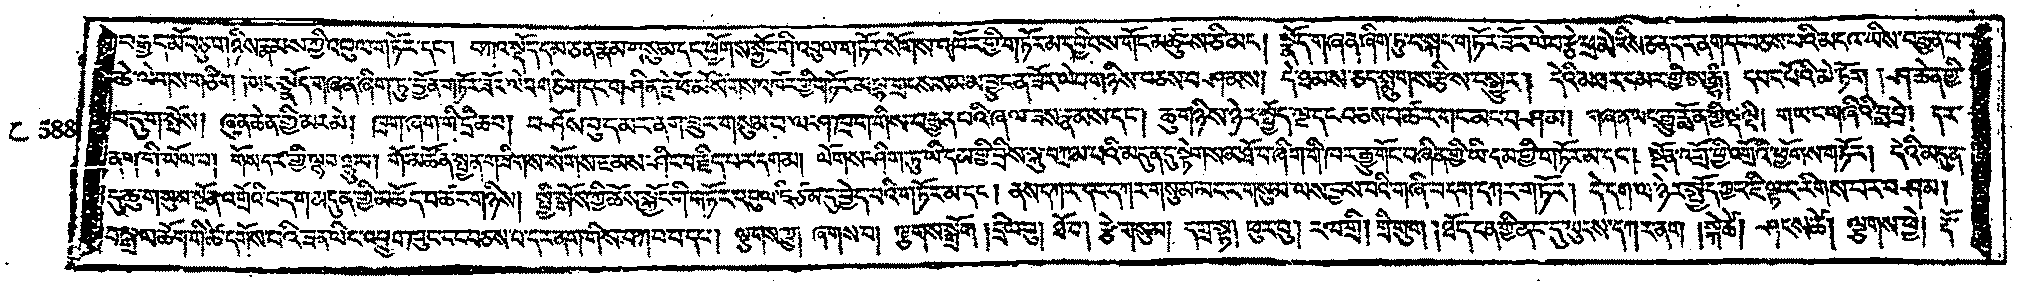བརྒྱད་མོ་བཅུ་གཉིས་རྣམས་ཀྱི་འབུལ་གཏོར་དང་། བཀའ་སྡོད་དམ་ཅན་རྣམ་གསུམ་དང་ཕྱོགས་སྐྱོང་གི་འབུལ་གཏོར་སོགས་འཁོར་གྱི་གཏོར་མ་དབྱིབས་གོང་མཚུངས་ཅི་མང་། སྣོད་གཞན་ཞིག་ཏུ་བསྐང་གཏོར་ཟོར་ལེ་བརྩེ་ཕྲ་མེ་རིས་ཅན་དར་ནག་དང་བཅས་པའི་མངའ་ཡིས་བརྒྱན་པ་
ཆེ་ལེགས་གཅིག །ཡང་སྣོད་གཞན་ཞིག་ཏུ་བྱོན་གཏོར་ཟོར་ལེབ་གཅིག་དང་གཤིན་རྗེ་ཕོ་མོ་སོགས་འཁོར་གྱི་གཏོར་མ་ལྷ་གྲངས་སམ་མ་བྱུང་ན་ཟོར་ལེབ་གཉིས་བཅས་བཤམས། དེ་ཐམས་ཅད་སྨུགས་རྩིས་བསྒྱུར། དེའི་མཐར་དམར་གྱི་ཨརྒྷཾ། དབང་པོའི་མེ་ཏོག །ཤ་ཆེན་གྱི་
བདུག་སྤོས། ཞུན་ཆེན་གྱི་མར་མེ། ཁྲག་ཞག་གི་དྲི་ཆབ། བཤོས་བུ་དམར་ནག་ཟུར་གསུམ་པ་ལ་ཤ་ཁྲག་གིས་བརྒྱན་པའི་ཞལ་ཟས་རྣམས་དང་། ཆུ་གཉིས་ཉེར་སྤྱོད་ལྔ་དང་བཅས་པ་ཚར་གང་མང་བཤམ། གཞན་ཡང་རྒྱུ་རློན་གྱི་ལྔ་ལྡི། གཡང་གཞིའི་བླ་བྲེ། དར་
ནག་གི་ཡོལ་བ། གོས་དར་གྱི་ལྷབ་ལྷུབ། གོ་མཚོན་སྤྱན་གཟིགས་སོགས་རྔམས་ཤིང་བརྗིད་པར་དག་མ། ལོགས་ཤིག་ཏུ་ཡི་དམ་གྱི་བྲིས་སྐུ་བཀྲམ་པའི་མདུན་དུ་སྟེགས་མཐོ་བ་ཞིག་གི་ཁར་རྒྱུ་གོང་བཞིན་གྱི་ཡི་དམ་གྱི་གཏོར་མ་དང་། སྔོན་འགྲོ་ཕྱི་འགྲོའི་ཕྱོགས་གཏོར། དེའི་མདུན་
དུ་ཆུ་གསུམ་སྔོན་འགྲོའི་བདག་མདུན་གྱི་མཆོད་པ་ཚར་གཉིས། སྤྱི་སོགས་ཀྱི་ཆོས་སྐྱོང་གི་གཏོར་འབུལ་ཇི་ཙམ་དུ་བྱེད་པའི་གཏོར་མ་དང་། ནས་དཀར་དང་དཀར་གསུམ་མངར་གསུམ་ལས་བྱས་པའི་གཞི་བདག་དཀར་གཏོར། དེ་དག་ལ་ཉེར་སྤྱོད་ཀྱང་ཇི་ལྟར་རིགས་པར་བཤམ།
བསྒྲལ་ཆོག་གི་ཚེ་དགོས་པའི་ཟན་ལིང་འབྲུབ་ཁུང་ངང་བཅས་པ་དར་ནག་གིས་བཀབ་བ་དང་། ལྕགས་ཀྱུ། ཞགས་པ། ལྕགས་སྒྲོག །དྲིལ་བུ། ཐོ་བ། རྩེ་གསུམ། དགྲ་སྟ། ཕུར་བུ། རལ་གྲི། གྲི་གུག །ཐོད་ངན་གྱི་ནང་དུ་ཡུངས་དཀར་ནག །སྐེ་ཚེ། ཤངས་ཚེ། ལྕགས་ཕྱེ། རྡོ་